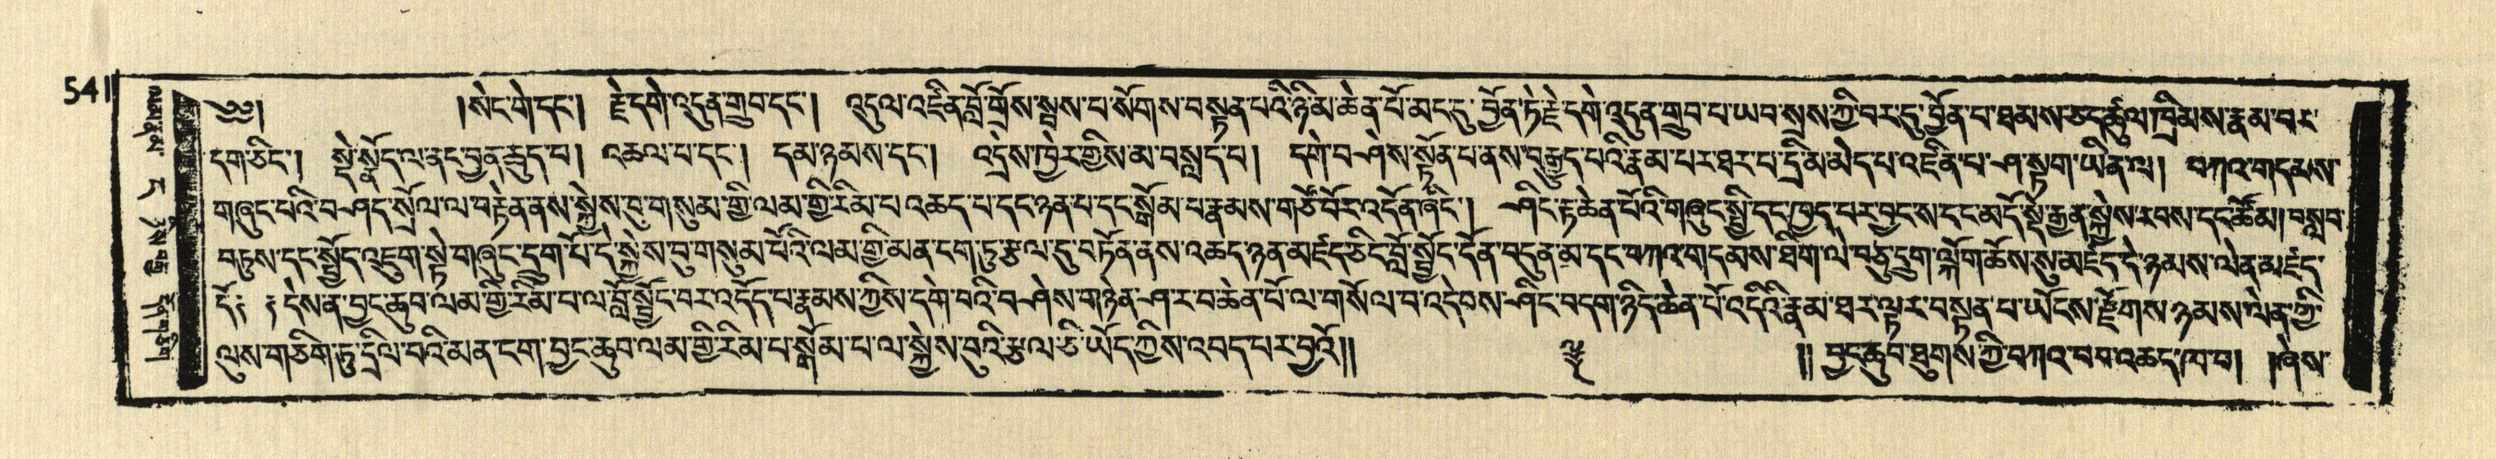༄༅། །སེང་གེ་དང་། རྗེ་དགེ་འདུན་གྲུབ་དང་། འདུལ་འཛིན་བློ་གྲོས་སྦས་པ་སོགས་བསྟན་པའི་ཉི་མ་ཆེན་པོ་མང་དུ་བྱོན་ཏེ་རྗེ་དགེ་འདུན་གྲུབ་པ་ཡབ་སྲས་ཀྱི་བར་དུ་བྱོན་པ་ཐམས་ཅད་ཚུལ་ཁྲིམས་རྣམ་བར་
དག་ཅིང་། སྡེ་སྣོད་ལ་ནང་བྱན་ཆུད་བ། འཆལ་པ་དང་། དམ་ཉམས་དང་། འདྲེས་ཁྱེར་གྱིས་མ་བསླད་པ། དགེ་བཤེས་སྟོན་པ་ནས་བརྒྱུད་པའི་རྣམ་པར་ཐར་པ་དྲི་མ་མེད་པ་འཛིན་པ་ཤ་སྟག་ཡིན་ལ། བཀའ་གདམས་
གཞུང་པའི་བཤད་སྲོལ་ལ་བརྟེན་ནས་སྐྱེས་བུ་གསུམ་གྱི་ལམ་གྱི་རིམ་པ་འཆད་པ་དང་ཉན་པ་དང་སྒོམ་པར་ནམས་གཙོ་བོར་འདོན་ཞིང་། ཤིང་རྟ་ཆེན་པོའི་གཞུང་སྦྱི་དང་ཁྱད་པར་བྱང་ས་དང་མདོ་སྡེ་རྒྱན་སྐྱེས་རབས་དང་ཚོམ། བསླབ་
བཏུས་དང་སྤྱོད་འཇུག་སྟེ་གཞུང་དྲུག་པོ་དེ་སྐྱེས་བུ་གསུམ་པོའི་ལམ་གྱི་མན་ངག་ཏུ་རྩལ་དུ་བཏོན་ནས་འཆད་ཉན་མཛད་ཅིང་བློ་སྦྱོང་དོན་བདུན་མ་དང་བཀའ་གདམས་ཐིག་ལེ་བཅུ་དྲུག་ལྐོག་ཆོས་སུ་མཛད་དེ་ཉམས་ལེན་མཛད་
དོ༑ ༑དེས་ན་བྱང་ཆུབ་ལམ་གྱི་རིམ་པ་ལ་བློ་སྦྱོང་བར་འདོད་པ་རྣམས་ཀྱིས་དགེ་བའི་བཤེས་གཉེན་ཤ་ར་བ་ཆེན་པོ་ལ་གསོལ་བ་འདེབས་ཤིང་བདག་ཉིད་ཆེན་པོ་འདིའི་རྣམ་ཐར་ལྟར་བསྟན་པ་ཡོངས་རྫོགས་ཉམས་ལེན་གྱི་
ལུས་གཅིག་ཏུ་དྲིལ་བའི་མན་ངག་བྱང་ཆུབ་ལམ་གྱི་རིམ་པ་སྒོམ་པ་ལ་སྐྱེས་བུའི་རྩལ་ཅི་ཡོད་ཀྱིས་འབད་པར་བྱའོ།། ༈ །།བྱང་ཆུབ་ཐུགས་ཀྱི་བཀའ་བབ་འཆད་ཁ་བ། །ཞེས་